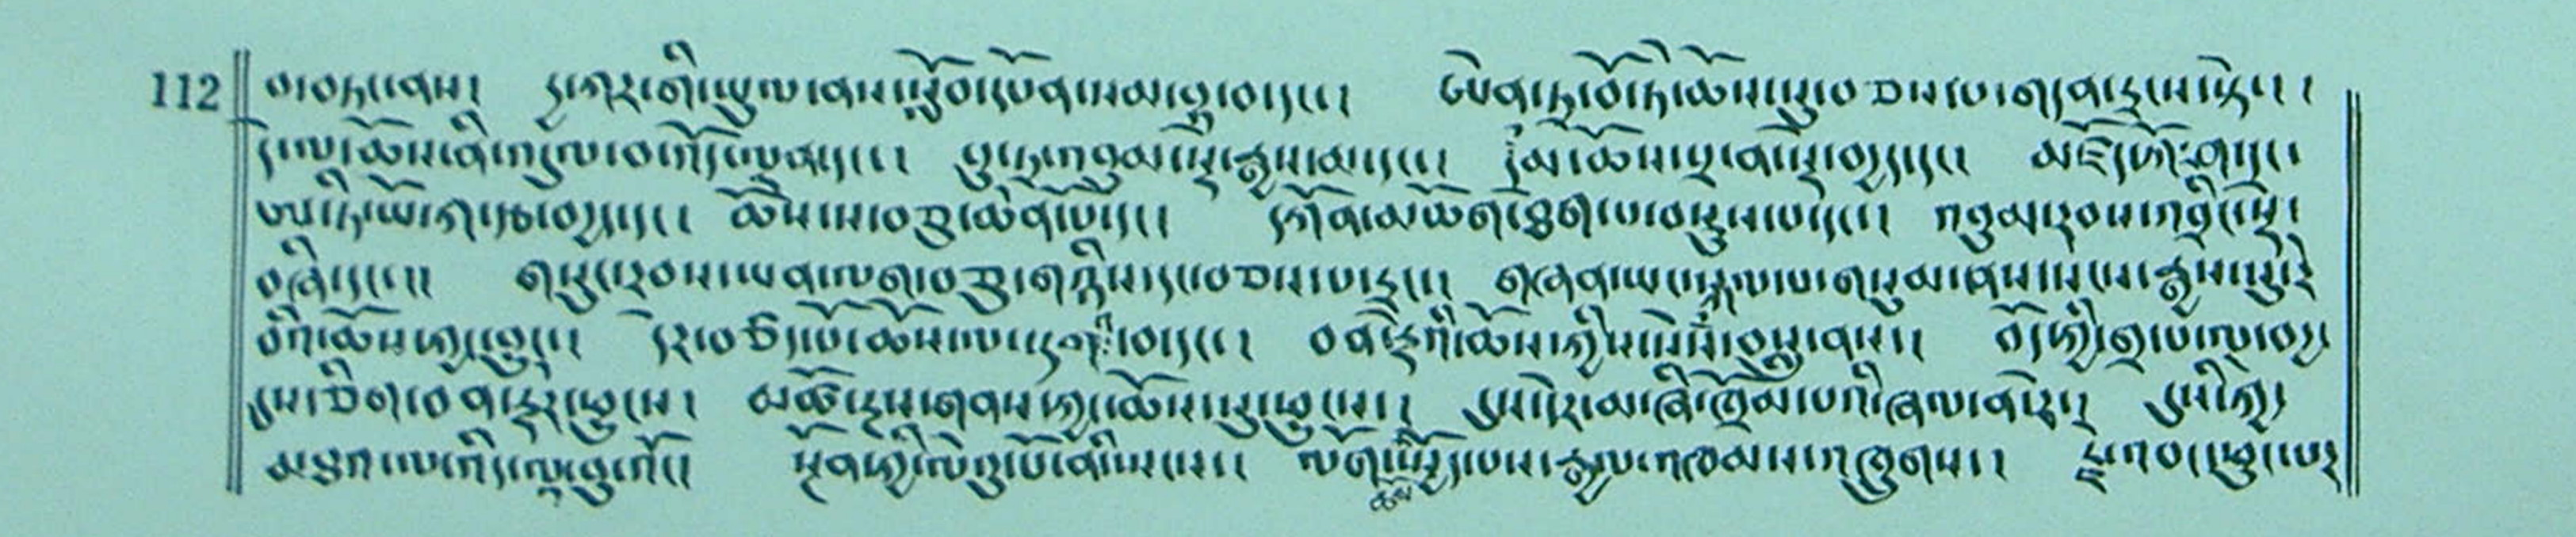བ་བཏང་ནས། རྒྱ་གར་གྱི་ཡུལ་ནས་སློབ་དཔོན་སམ་བྷ་བ་དང་། ཨིན་ཏྲ་བོ་ཏེ་ཆོས་དང་བཅས་པ་སྤྱན་དྲངས་ཏེ། 
དེ་ལ་ཆོས་ནི་འདུལ་བ་འོད་ལྡན་དང་། པུ་ཏྲ་འབུམ་སྡེ་རྒྱས་མ་དང་། དམ་ཆོས་པྲ་ན་སྡེ་བརྒྱད་དང་། མཛོད་ཀོ་ཤ་དང་
ཨ་ཏི་ཡོ་ཀ་རྩ་བརྒྱད་དང་། ཆོས་ས་བཅུ་ཆེན་པོ་དང་། དཀོན་མཆོག་ཐེག་པ་བསྡུས་པ་དང་། འབུམ་རབ་འབྲིང་སྡེ་
བཞི་དང་། གསུང་རབ་ཡན་ལག་བཅུ་གཉིས་དང་བཅས་པ་དྲངས། གཞན་ཡང་བསྐལ་བ་གསུམ་ནས་སངས་རྒྱས་སུ་རེ་
བའི་ཆོས་ཀྱང་བྱུང་། དེར་བཙད་པོ་ཆོས་ལ་དགའ་བ་དང་། བན་དྷེའི་ཆོས་ཀྱིས་སེམས་བསླུས་ནས། བོད་ཀྱི་གྲྭ་བ་ལྔ་བརྒྱ་
དུས་ཅིག་བན་དྷེར་ཕྱུང་། མཚོ་རྔས་གནས་ཀྱང་ཆོས་སུ་ཕྱུང་། དུས་དེར་མ་ཞི་ཁྲོམ་པའི་ཞལ་ན་རེ། དུས་ཀྱི་
མཐའ་ལ་འདི་ལྟ་བུ་འོང་། སྔོན་གྱི་ལེའུ་པོ་ནི་སྤངས། ལོག་ཆོས་སྤྱོད་པས་རྒྱལ་ཁམས་འཁྲུགས། རྗེ་འབངས་ཕུང་བར་